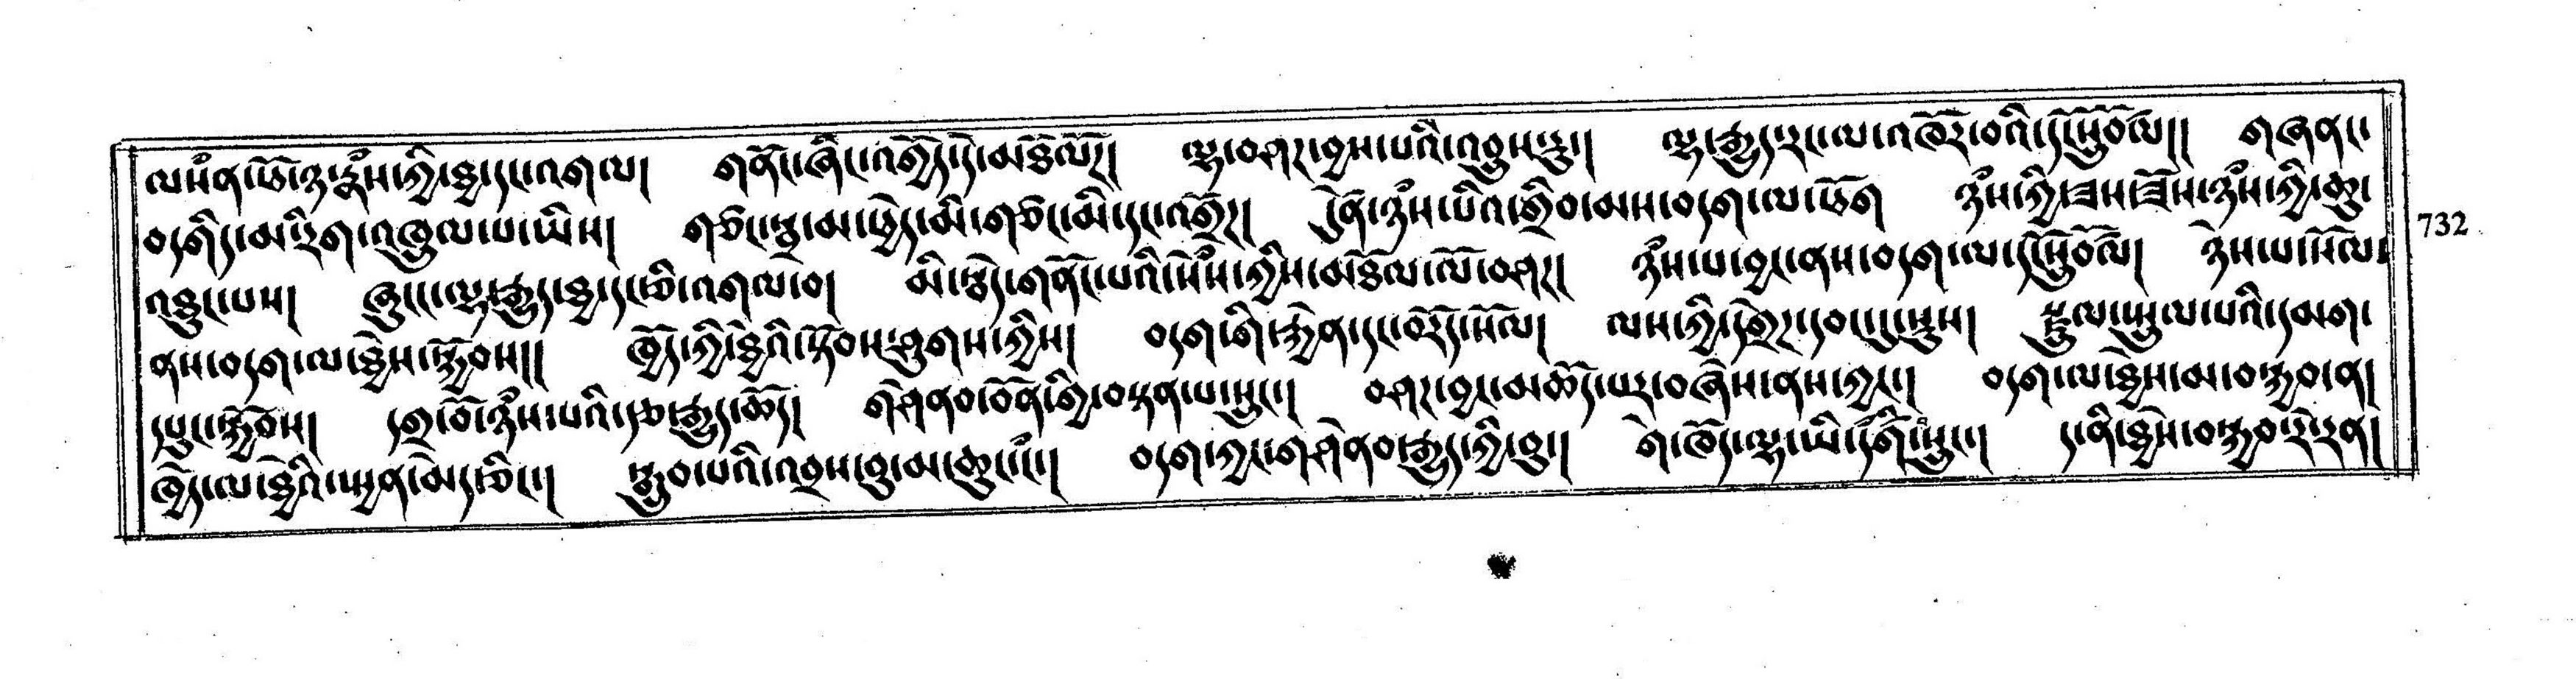ལས་མཁན་ཕོ་ཉ་རྣམས་ཀྱི་ཐུགས་དང་འགལ། གནོང་ཞིང་འགྱོད་དེ་མཐོལ་ལོ་བཤགས། ལྷ་བཤགས་བྱས་པའི་འབྲས་བུ་རུ། ལྷ་རྒྱུད་རང་ལ་འཁོར་བའི་དངོས་གྲུབ་སྩོལ།། གཞན་ཡང་
བདག་ཉིད་མ་རིག་འཁྲུལ་པ་ཡིས། གཙང་སྦྲ་མ་ཕྱེད་མི་གཙང་མི་དང་འགྲོགས། དུན་ཙེ་ཉམས་པའི་གྲིབ་མས་བདག་ལ་ཕོག ཉམས་ཀྱི་ཟས་ཟོས་ཉམས་ཀྱི་ཆུ་
འཐུང་པས། ཞང་ཞུང་ལྷ་རྒྱུད་ཐུགས་དང་ཅི་འགལ་བ། མི་སྦེད་གནོང་པའི་སེམས་ཀྱིས་མཐོལ་ལོ་བཤགས། ཉམས་པ་བྱང་ནས་བདག་ལ་དངོས་གྲུབ་སྩོལ། ཉེས་པ་སོལ་
ནས་བདག་ལ་ཐུགས་རྗེས་སྐྱོབས།། ཁྱོད་ཀྱི་ཐུགས་རྗེའི་སྟོབས་ཤུགས་ཀྱིས། བདག་གི་རྐྱེན་དང་བར་ཆོད་སོལ། ལས་ཀྱི་དགྲ་བགེགས་དབང་དུ་བསྡུས། རྫུ་འཕྲུལ་སྤྲུལ་པའི་དམག་
དཔུང་སྐྱོབས། དགྲ་བོ་ཉམས་པའི་རྩ་རྒྱུད་ཆོད། གཤེན་རབ་བོན་གྱི་བསྟན་པ་སྲུང་། བཤགས་བྱང་མཆོད་པར་བཞེས་ནས་ཀྱང་། བདག་ལ་ཐུགས་རྗེས་མ་བསྐྱབ་ན། 
ཁྱོད་ལ་ཐུགས་རྗེའི་སྤྱན་མེད་ཅིང་། སྒྲུབ་པའི་འབྲས་བུ་མ་ཆུང་ངམ། བདག་ཀྱང་གཤེན་རབ་རྒྱུད་ཀྱི་བུ། གེ་ཁོད་ལྷ་ཡི་དམ་ཚིག་སྲུང་། ད་ནི་ཐུགས་རྗེས་བསྐྱབ་རེ་རན།